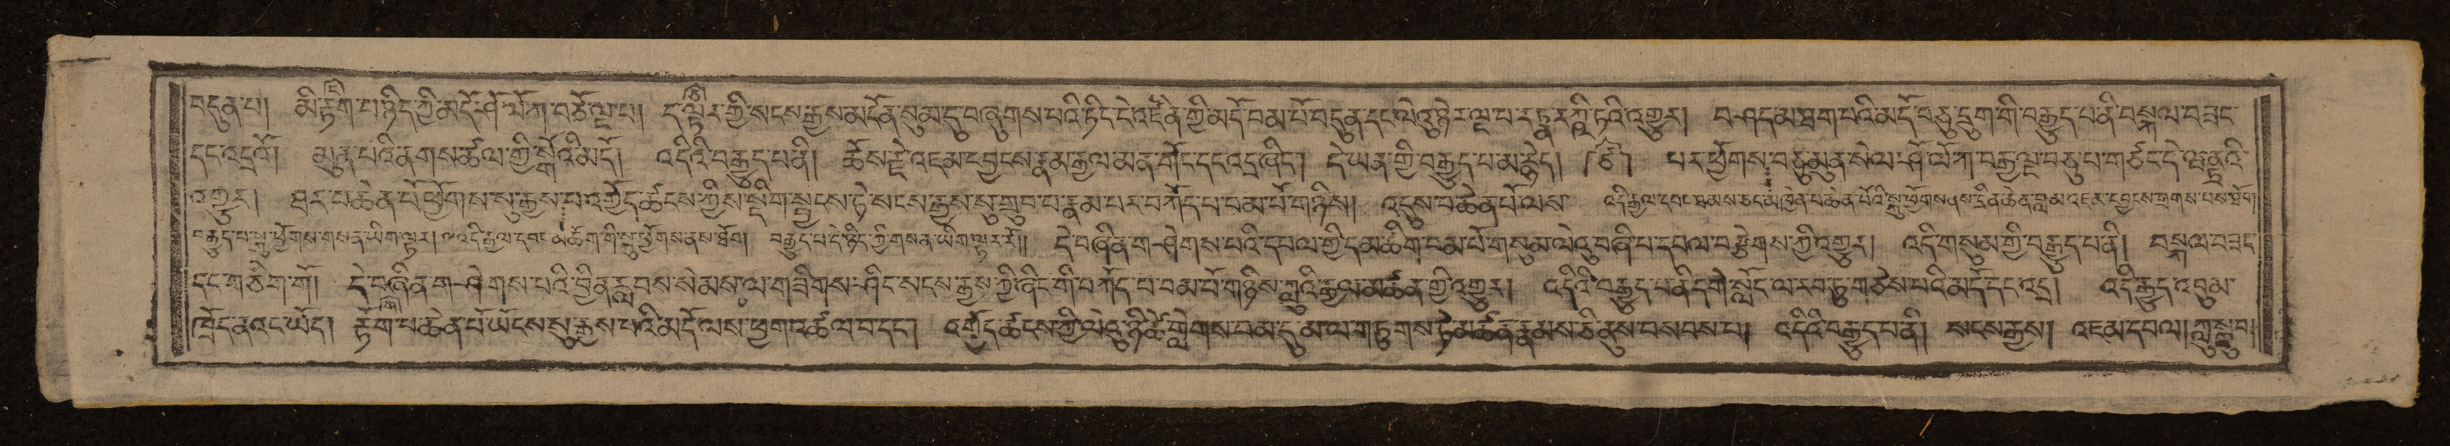བདུན་པ། མི་རྟག་པ་ཉིད་ཀྱི་མདོ་ཤོ་ལོ་ཀ་བཅོ་ལྔ་པ། ད་ལྟར་གྱི་སངས་རྒྱས་མངོན་སུམ་དུ་བཞུགས་པའི་ཏིང་ངེ་འཛིན་གྱི་མདོ་བམ་པོ་བདུན་དང་ལེའུ་ཉེར་ལྔ་བ་རཏན་རཀྵི་ཏའི་འགྱུར། བཤད་མཐག་པའི་མདོ་བཅུ་དྲུག་གི་བརྒྱུད་པ་ནི་བསྐལ་བཟང་
དང་འདྲའོ། མུན་པའི་ནགས་ཚལ་གྱི་སྒོའི་མདོ། འདིའི་བརྒྱུད་པ་ནི། ཆོས་རྗེ་འཇམ་དབྱངས་རྣམ་རྒྱལ་མན་གོང་དང་འདྲ་ཞིང་། དེ་ཡན་གྱི་བརྒྱུད་པ་མེ་རྙེད། {ཙ}་པར་ཕྱོགས་བཅུ་མུན་སེལ་ཤོ་ལོ་ཀ་བརྒྱ་ལྔ་བཅུ་པ་གཙང་གེ་ཝནྟྲའི་
འགྱུར། ཐར་བ་ཆེན་པོ་ཕྱོགས་སུ་རྒྱས་པ་འགྱོད་ཚངས་ཀྱིས་སྡིག་སྦྱངས་ཏེ་སངས་རྒྱས་སུ་གྲུབ་པ་རྣམ་པར་བཀོད་པ་བམ་པོ་གཉིས། བདུས་པ་ཆེན་པ་ལས། འདི་རྒྱལ་བ་H མས་ཅད་མཁྱེན་པ་ཆེན་པོའི་སྐུ་ཕྱོགས་ནས་ཅིན་ཆེན་སླ་མ་འཇམ་དབྱངས་བས་ཐོག་
བརྒྱུད་བསྐུ་ཕྱོགས་གསན་ཡིག་ལྟར། པའི་རྒྱལ་དབང་མཆོག་གི་སྐུ་ཕྱོགས་ནས་ཐོབ། བརྒྱུད་པ་དེ་ཉིད་ཀྱི་གསན་ཡིག་ལྟར་རོ། དེ་བཞིན་གཤེགས་པའི་དཔལ་གྱི་དམ་ཚིག་བམ་པོ་གསུམ་ལེའུ་བཞི་བ་དཔལ་བརྩེགས་ཀྱི་འགྱུར། འདི་གསུམ་གྱི་བརྒྱུད་པ་ནི། བི་སྐལ་བཟང་
དང་གཅིག་གོ། དེ་བཞིན་གཤེགས་པའི་བྱིན་རླབས་སེམས་སལ་གཟིགས་ཤིང་སངས་རྒྱས་ཀྱི་ཞིང་གི་བཀོད་པ་བམ་པོ་གཉིས་ཀླུའི་རྒྱལ་མཚན་གྱི་འགྱུར། འདིའི་འྲྒྱུད་པ་ནི་དགེ་སློང་ལ་རབ་ཏུ་གཅེས་པའི་མདོ་དང་འདྲ། འདི་རྒྱུད་འབུམ་
ཁྲོད་ནའང་ཡོད། རྟོག་པ་ཆེན་པོ་ཡོངས་སུ་རྒྱས་པའི་མདོ་ལས་ཕྱག་འཚལ་པ་དང་། འགྱོད་ཚངས་ཀྱི་ལེའུ་ཉི་ཚེ་གླེགས་པ་མདུ་མ་ལ་གཏུགས་ཏེ་མཚན་རྣམས་ཅི་ནུས་བསབས་པ། འདིའི་བརྒྱུད་པ་ནི། སངས་རྒྱས། འཇམ་དཔལ། ཀླུ་སྒྲུབ།